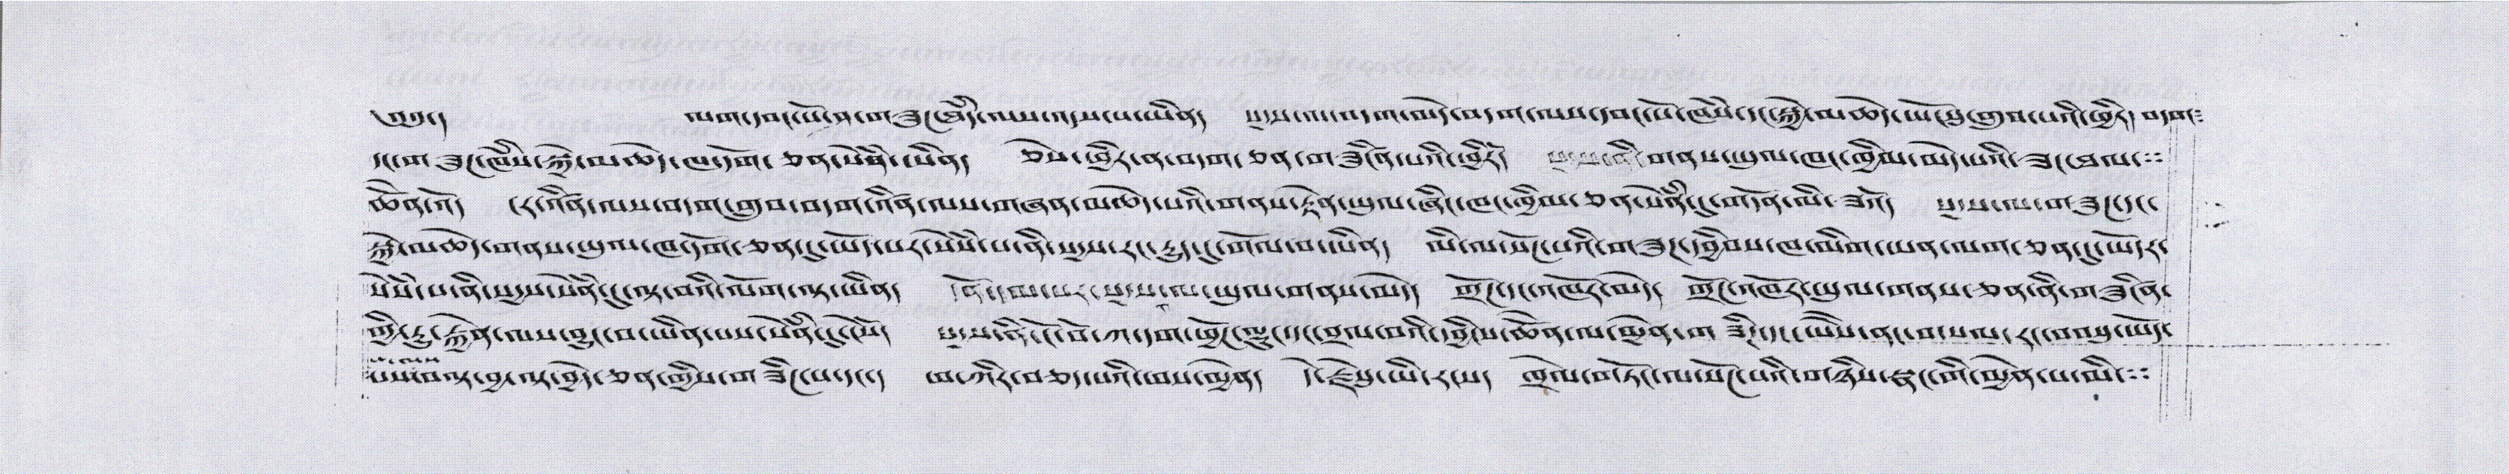ལག་དབང་པོ་ཤ་གཟུགས་ཐམས་ཅད་ལས་འདས་པ་ཡིན། སངས་རྒྱས་བདག་མེད་བདག་ལས་དབང་པོ་ཁམས་དང་སྐྱེ་མཆེད་ཡོངས་སུ་གྲུབ་པའི་ཕྱིར། བདག་
དང་གཟུགས་ཁམས་སྐྱེ་མཆེད་ཁ་དོག་ཅན་སེམས་ཅན་ཡིན། ཅེས་ཕྱིར་ན་བདག་ཅན་གཟུང་འཛིན་པའི་ཕྱིར་རོ། སངས་རྒྱས་ནི་གནས་ཡུལ་ཁང་ཁྱིམ་མེད་པའི་ཟང་ཐལ་
ཆེན་པོའོ། ངར་འཛིན་ལས་བདག་གྲུབ་བདག་འཛིན་ལས་གཞན་མཆེད་པའི་གནས་རྟེན་ཡུལ་ཞིང་ཁང་ཁྱིམ་ཅན་སེམས་ཅན་དུ་གདོན་མི་ཟའོ། སངས་རྒྱས་ལ་གཟུགས་དང་
སྐྱེ་མཆེད་གནས་ཡུལ་ཁ དོག་ཅན་དུ་ཡོད་པར་སེམས་པ་ནི་སངས་རྒྱས་རང་རྒྱུད་དུ་གོལ་བ་ཡིན། མི་ལ་སོགས་པའི་གཟུགས་དབྱིབས་ཁ་མིག་ཡན་ལག་ཅན་དུ་ཡོད་པར་
སེམས་པ་ནི་སངས་རྒྱས་སེམས་ཅན་དུ་ལྟ་བའི་ལོག་ལྟ་ཡིན། དོན་དམ་པར་སངས་རྒྱས་ལ་ཡུལ་གནས་མེད། གྲོགས་དང་འཁོར་མེད། གྲོགས་འཁོར་ཡུལ་གནས་ཅན་ནི་གཟུང་འཛིན་
གྱི་རྒྱུ་རྐྱེན་ལས་བྱུང་བ་ཡིན་པས་སེམས་ཅན་དུ་ངེས་སོ། སངས་རྒྱས་ནི་ངོ་བོ་ཀ་དག་ཕྱོགས་ལྷུང་དང་བྲལ་བའི་དབྱིངས་ཆེན་པོ་ལ་མཁྱེན་གཟིགས་དང་ཡེ་ཤེས་ནང་གསལ་རང་བབས་སུ་ཡོད་
པས་བལྟ་བྱ་ལྟ་བྱེད་ཅན་གྱིས་གཟིགས་པ་དང། ཕ་ཀིར་བཅད་པའི་ཕས་མཁྱེན། དེ་རྗེས་སུ་ཡི་རངས། ཁྲེལ་གཏོང་ལ་སོགས་པའི་གཉིས་སྣང་གི་མཁྱེན་པ་མི་